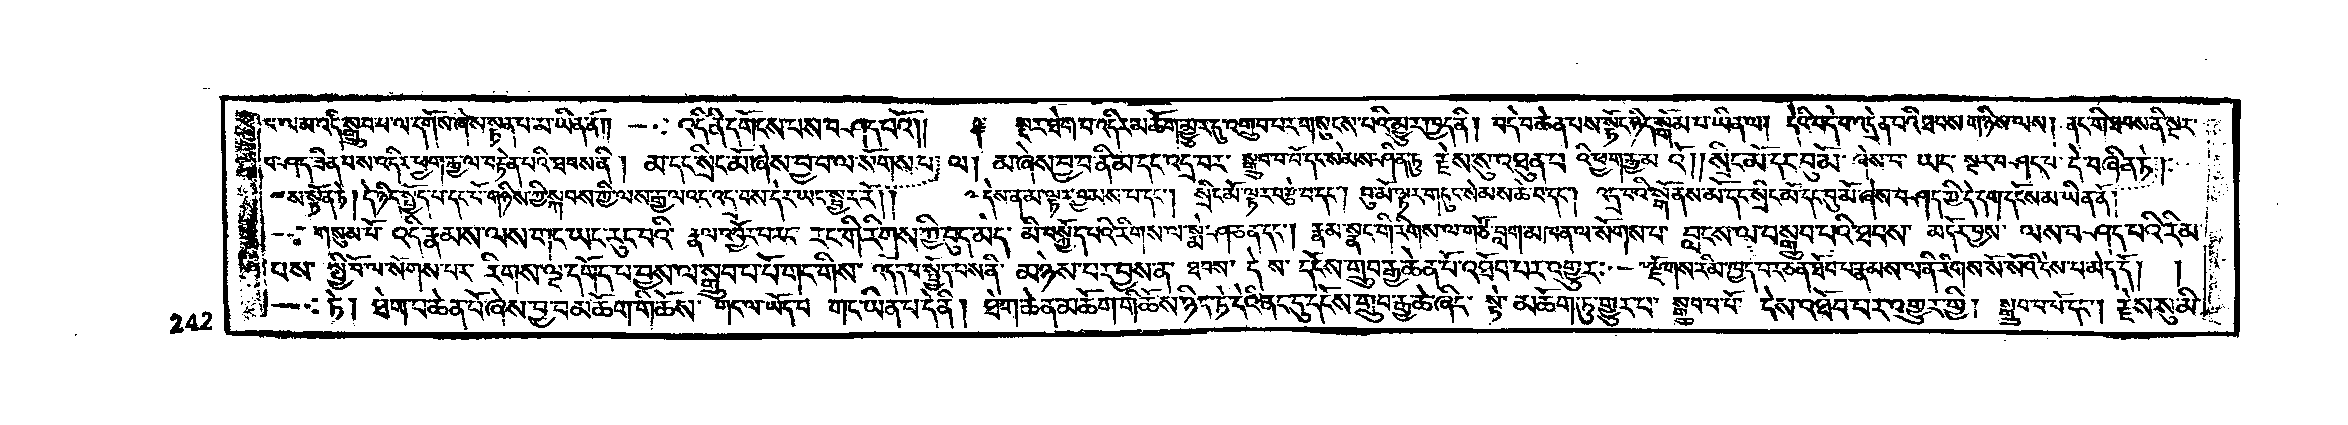པ་ལམ་འདི་སྒྲུབ་པ་ལ་དགོས་ཞེས་སྟན་པ་མ་ཡིན་ནོ།།.Hའདི་ནི་དགོངས་པས་བཤད་པའོ།། ༈ སྔར་ཐེག་པ་འདིར་མཆོག་མྱུར་དུ་འགྲུབ་པར་གསུངས་པའི་མྱུར་ཁྱད་ནི། བདེ་བ་ཆེན་པས་སྟོང་ཉིད་སྒོམ་པ་ཡིན་ལ། དེའི་བདེ་བ་འདྲེན་པའི་ཐབས་གཉིས་ལས། ནང་གི་ཐབས་ནི་སྔར་
བཤད་ཟིན་པས་འདིར་ཕྱག་རྒྱ་ལ་བརྟེན་པའི་ཐབས་ནི། མ་དང་སྲིང་མོ་ཞེས་བྱ་བ་ལ་སོགས་པ་ལ། མ་ཞེས་བྱ་བ་ནི་མ་དང་འདྲ་བར་སྒྲུབ་པ་པོ་དང་སེམས་ཤིན་ཏུ་རྗེས་སུ་འཐུན་པའི་ཕྱག་རྒྱ་མའོ། །སྲིང་མོ་དང་བུ་མོ་ཞེས་པ་ཡང་སྔར་བཤད་པ་དེ་བཞིན་ཏེ།H.
༧་ས་སྟོན་ཏེ། དེ་ཉིད་སྤྱོད་པ་དང་པོ་གཉིས་ཀྱི་སྐབས་ཀྱི་ལས་རྒྱ་ལའང་འདྲ་བས་དེར་ཡང་སྦྱར་རོ།། ༧་དེས་ན་མ་ལྟར་བྱམས་པ་དང་། སྲིང་མོ་ལྟར་བརྩེ་བ་དང་། བུ་མོ་ལྟར་གདུང་སེམས་ཆེ་བ་དང་། འདྲ་བའི་སྒོ་ནས་མོ་དང་སྲིང་མོ་དང་བུ་མོ་ཞེས་བཤད་ཀྱི་དེ་དག་དངོས་མ་ཡིན་ནོ། །
.H གསུམ་པོ་འདི་རྣམས་ལས་གང་ཡང་རུང་བའི་རྣལ་འབྱོར་པར་རང་རང་གི་རིགས་ཀྱི་བུད་མེད་མི་བསྐྱོད་པའི་རིགས་ལ་སྨེ་ཤ་ཅན་དང་། རྣམ་སྣང་གི་རིགས་ལ་གཙོ་བླག་མཁན་ལ་སོགས་པ་བླངས་ལ་བསྒྲུབ་པའི་ཐབས་མདོར་བྱས་ལས་བཤད་པའི་རིམ་
པས་སྤྱི་བོ་ལ་སོགས་པར་རིགས་ལྔ་དགོད་པ་བྱས་ལ་སྒྲུབ་པ་པོ་གང་གིས་འདོད་པ་སྤྱོད་པས་ནི་མཉེས་པར་བྱས་ན་ཐབས་དེས་དེས་དངོས་གྲུབ་རྒྱ་ཆེན་པོ་འཐོབ་པར་འགྱུརཿ་༧རྫོགས་རིམ་ཁྱད་པར་ཅན་ཐོབ་པ་རྣམས་ལ་ནི་རིགས་སོ་སོའི་ངེས་པ་མེད་དོ། །
.Hཏེ། ཐེག་པ་ཆེན་པོ་ཞེས་བྱ་བ་མཆོག་གི་ཆོས་གང་ལ་ཡོད་པ་གང་ཡིན་པ་དེ་ནི། ཐེག་ཆེན་མཆོག་གི་ཆོས་ཉིད་ཏེ་དེའི་ནང་དུ་དངོས་གྲུབ་རྒྱ་ཆེ་ཞིང་སྟེ་མཆོག་ཏུ་གྱུར་པ་སྒྲུབ་པ་པོ་དེས་འཐོབ་པར་འགྱུར་གྱི། སྒྲུབ་པ་པོ་དང་།  རྗེས་སུ་མི་